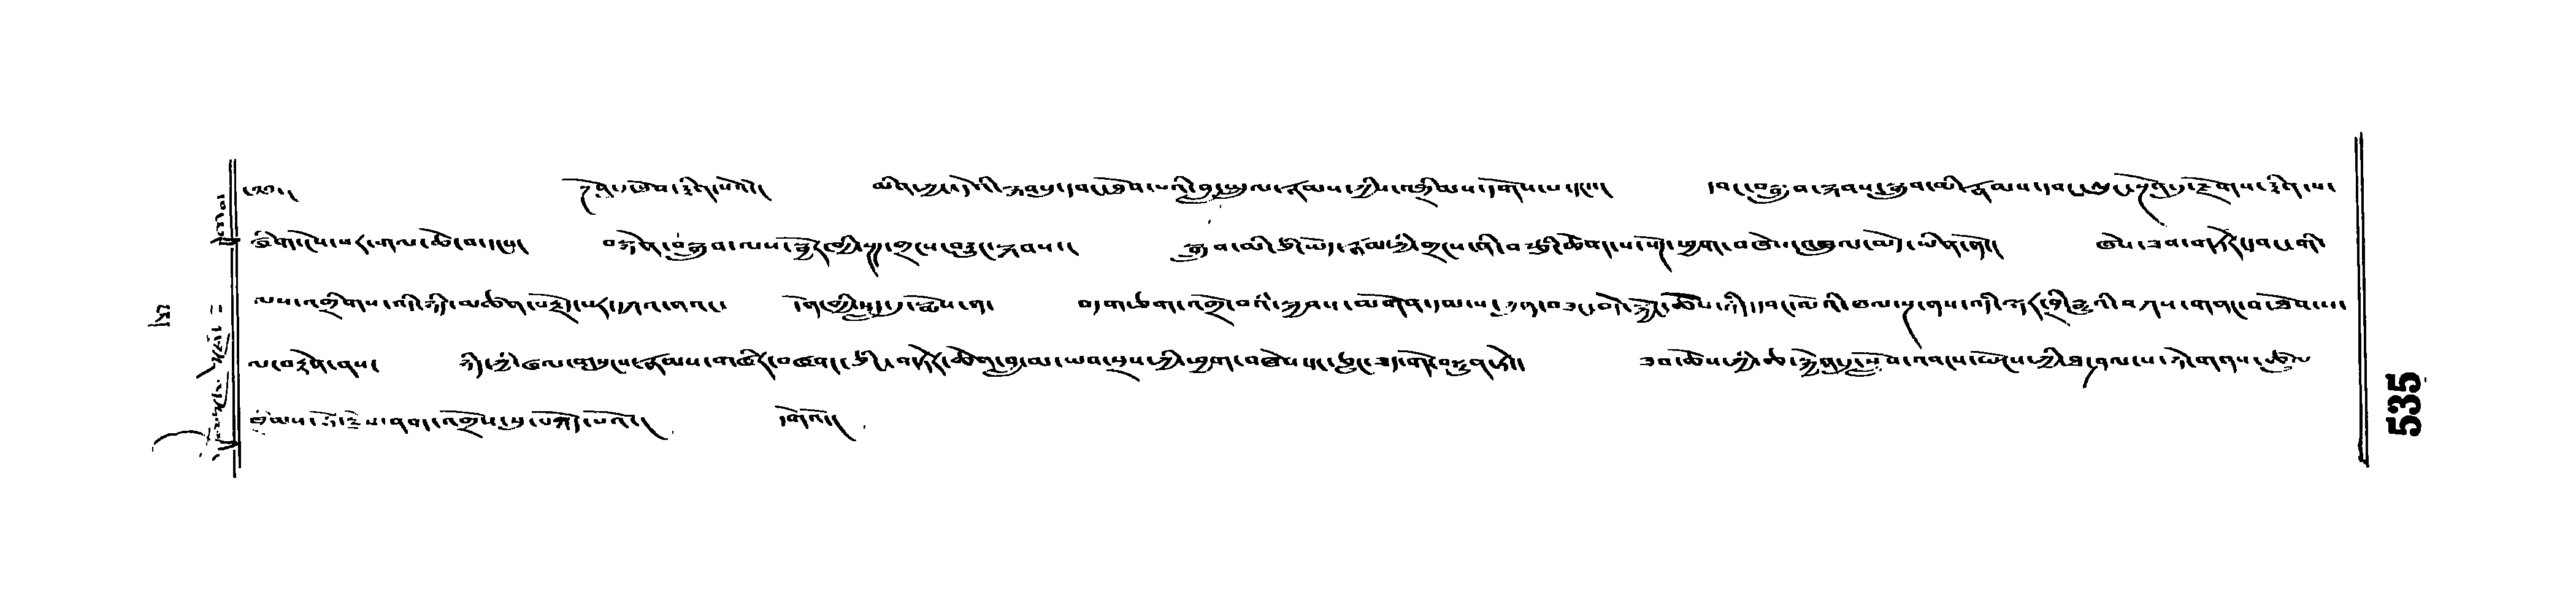སྔོན་དུ་ཐོབ་ཟིན་པའོ། མིན་ཀྱང་དེའི་སྐབས་སུ་དབང་ཐོབ་པའི་བླ་སྤྲུལ་རྣམས་ཀྱིས་འགྲིམས་དགོས་པ་དང་། དབང་བསྒྲུབ་སྐབས་སྒྲུབ་མི་རྣམས་དབང་ལུང་སྔོན་དུ་རྫོགས་ཟིན་པ་
ཞིག་ངེས་བར་གལ་ཆེ་བ་དང་། བསྙེན་བསྒྲུབ་ལས་སྦྱོར་གྱི་སྔགས་གྲངས་བཟུང་སྐབས། སྒྲུབ་མི་ཅི་ཡོད་རྣམ་གྱི་གྲངས་ནི་བརྩི་ཆོག་པ་སོགས་ཕྱག་བཞེས་འཁྲུལ་མེད་ཡིན་ནོ། ཞེས་ཟབ་གཏེར་དབང་གི་
ལས་འགྲིགས་འདི་ཉིད་མཚན་བརྗོད་པར་དཀའ་ནའང་། དོན་གྱིས་སླད་དུ་སྨོས་ན། བདག་ཅག་འགྲོ་བའི་སྐྱབས་མགོན་དམ་པ་ཀུན་བཟང་བདེ་སྐྱོང་ཆོས་ཉིད་དབང་མོའི་ཞལ་སྔ་ནས་འདི་ལྟར་བྲི་རྒྱུའི་བཀས་གནང་བ་ཐོབ་པ་
ལ་བརྟེན་ནས། ཉིད་ཀྱི་ཞལ་གསུངས་རྣམས་གཞིར་བཞག་ཅིང་གཏེར་ཆེན་བླ་མ་ཡབ་སྲས་ཀྱི་ཕྱག་བཞེས་དང་ཅུང་ཟད་གོ་བསྟུན་ཏེ། ཟབ་ཆོས་ཀྱི་ཆ་རྐྱེན་དུ་སློབ་འབངས་ཡོངས་ཀྱི་ཐ་ཤལ་པ་ཉེ་གནས་ཚུལ་
ཁྲིམས་རྡོ་རྗེས་ནག་འགྲོས་སུ་བཀོད་པའོ། དགེའོ།།